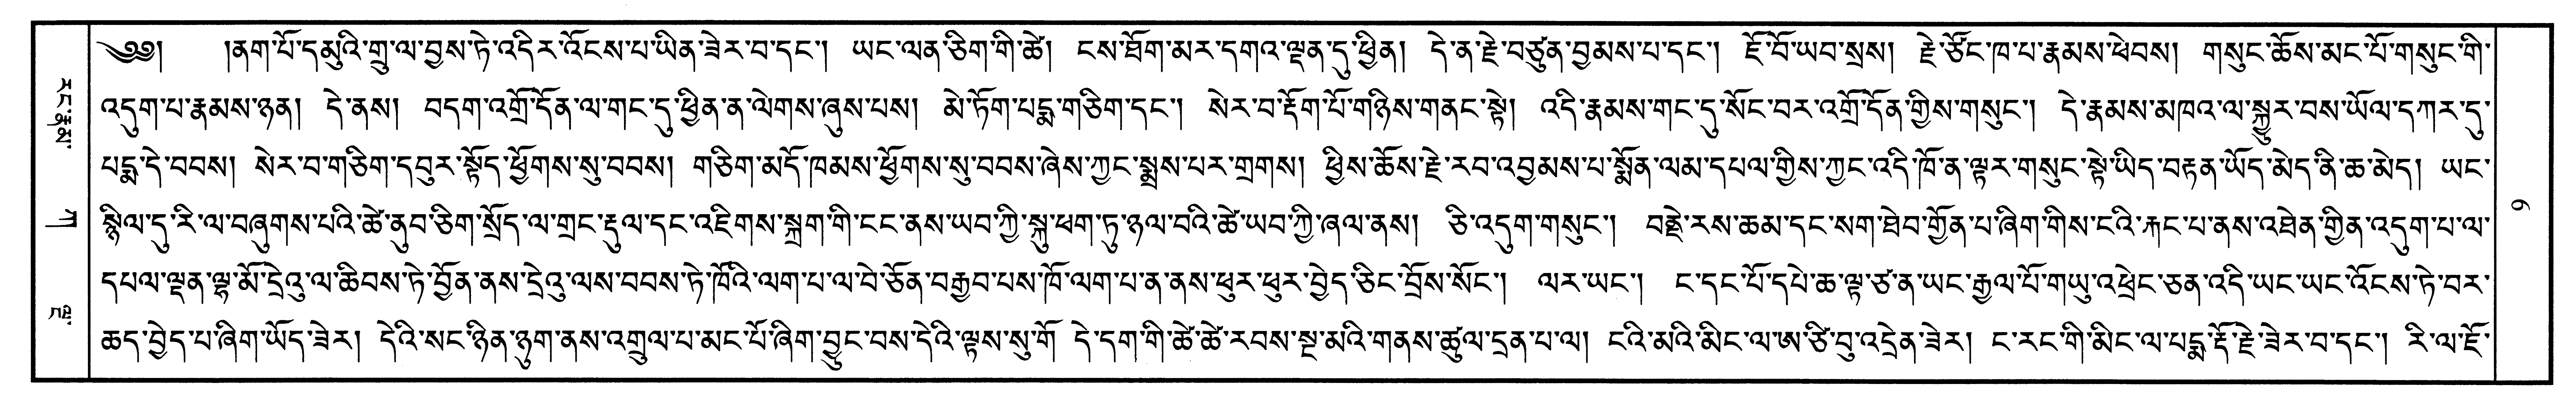༄༅། །ནག་པོ་དམུའི་གྲུ་ལ་བྱས་ཏེ་འདིར་འོངས་པ་ཡིན་ཟེར་བ་དང་། ཡང་ལན་ཅིག་གི་ཚེ། ངས་ཐོག་མར་དགའ་ལྡན་དུ་ཕྱིན། དེ་ན་རྗེ་བཙུན་བྱམས་པ་དང་། ཇོ་བོ་ཡབ་སྲས། རྗེ་ཙོང་ཁ་པ་རྣམས་ཕེབས། གསུང་ཆོས་མང་པོ་གསུང་གི་
འདུག་པ་རྣམས་ཉན། དེ་ནས། བདག་འགྲོ་དོན་ལ་གང་དུ་ཕྱིན་ན་ལེགས་ཞུས་པས། མེ་ཏོག་པདམ་གཅིག་དང་། སེར་པ་རྡོག་པོ་གཉིས་གནང་སྟེ། འདི་རྣམས་གང་དུ་སོང་བར་འགྲོ་དོན་གྱིས་གསུང་། དེ་རྣམས་མཁའ་ལ་སྐྱུར་བས་ཡོལ་དཀར་དུ་
པདམ་དེ་བབས། སེར་བ་གཅིག་དབུར་སྟོད་ཕྱོགས་སུ་བབས། གཅིག་མདོ་ཁམས་ཕྱོགས་སུ་བབས་ཞེས་ཀྱང་སྨྲས་པར་གྲགས། ཕྱིས་ཆོས་རྗེ་རབ་འབྱམས་པ་སྨོན་ལམ་དཔལ་གྱིས་ཀྱང་འདི་ཁོ་ན་ལྟར་གསུང་སྟེ་ཡིད་བརྟན་ཡོད་མེད་ནི་ཆ་མེད། ཡང་
སྙིལ་དུ་རི་ལ་བཞུགས་པའི་ཚེ་ནུབ་ཅིག་སྲོད་ལ་གྲང་རྡུལ་དང་འཇིགས་སྐྲག་གི་ངང་ནས་ཡབ་ཀྱི་སྐུ་ཕག་ཏུ་ཉལ་བའི་ཚེ་ཡབ་ཀྱི་ཞལ་ནས། ཅི་འདུག་གསུང་། བནྡེ་རས་ཆམ་དང་སག་ཐེབ་གྱོན་པ་ཞིག་གིས་ངའི་རྐང་པ་ནས་འཐེན་གྱིན་འདུག་པ་ལ་
དཔལ་ལྡན་ལྷ་མོ་དྲེའུ་ལ་ཆིབས་ཏེ་བྱོན་ནས་དྲེའུ་ལས་བབས་ཏེ་ཁོའི་ལག་པ་ལ་བེ་ཅོན་བརྒྱབ་པས་ཁོ་ལག་པ་ན་ནས་ཕུར་ཕུར་བྱེད་ཅིང་བྲོས་སོང་། །ལར་ཡང་། །ང་དང་པོ་དཔེ་ཆ་ལྟ་ཙ་ན་ཡང་རྒྱལ་པོ་གཡུ་འཕྲེང་ཅན་འདི་ཡང་ཡང་འོངས་ཏེ་བར་
ཆད་བྱེད་པ་ཞིག་ཡོད་ཟེར། དེའི་སང་ཉིན་ཉུག་ནས་འགྲུལ་པ་མང་པོ་ཞིག་བྱུང་བས་དེའི་ལྟས་སུ་གོ་དེ་དག་གི་ཚེ་ཚེ་རབས་སྔ་མའི་གནས་ཚུལ་དྲན་པ་ལ། ངའི་མའི་མིང་ལ་ཨ་ཙི་བུ་འདྲེན་ཟེར། ང་རང་གི་མིང་ལ་པདམ་རྡོ་རྗེ་ཟེར་བ་དང་། རི་ལ་ཇོ་